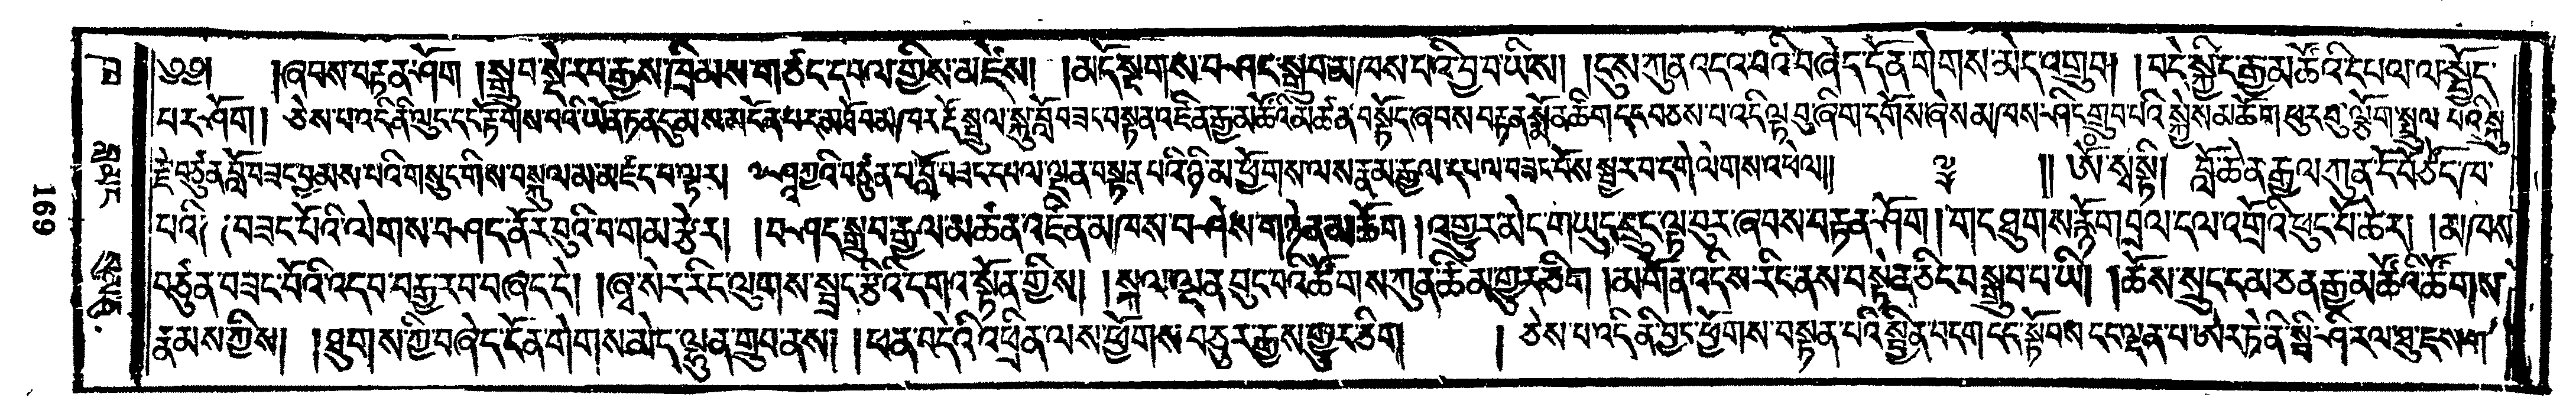༄༅། །ཞབས་བརྟན་ཤོག །སྒྲུབ་སྡེ་རབ་རྒྱས་ཁྲིམས་གཙང་དཔལ་གྱིས་མཛེས། །མདོ་སྔགས་བཤད་སྒྲུབ་མཁས་པའི་བྱ་བ་ཡིས། །དུས་ཀུན་འདའ་བའི་བཞེད་དོན་གེགས་མེད་འགྲུབ། །བདེ་སྐྱིད་རྒྱ་མཚོའི་དཔལ་ལ་སྤྱོད་
པར་ཤོག། ཅེས་པ་འདི་ནི་ལུང་དང་རྟོགས་པའི་ཡོན་ཏན་དུ་མས་མངོན་པར་མཐོ་བ་མཁར་རྡོ་སྤྲུལ་སྐུ་བློ་བཟང་བསྟན་འཛིན་རྒྱ་མཚོའི་མཚན་བསྟོད་ཞབས་བརྟན་སྨོན་ཚིག་དང་བཅས་པ་འདི་ལྟ་བུ་ཞིག་དགོས་ཞེས་མཁས་ཤིང་གྲུབ་པའི་སྐྱེས་མཆོག་ཕུར་བུ་ལྕོག་སྤྲུལ་པའི་སྐུ་
རྗེ་བཙུན་བློ་བཟང་བྱམས་པའི་གསུང་གིས་བསྐུལ་མ་མཛད་པ་ལྟར། ༧་ཤཱཀྱའི་བཙུན་པ་བློ་བཟང་དཔལ་ལྡན་བསྟན་པའི་ཉི་མ་ཕྱོགས་ལས་རྣམ་རྒྱལ་དཔལ་བཟང་པོས་སྦྱར་བ་དགེ་ལེགས་འཕེལ།། ༈ །།ཨོཾ་སྭ་སྟི། བློ་ཆེན་རྒྱལ་ཀུན་ངོ་བོ་ཙོང་ཁ་
པའི༑ ༑བཟང་པོའི་ལེགས་བཤད་ནོར་བུའི་བ་གམ་རྩེར། །བཤད་སྒྲུབ་རྒྱལ་མཚན་འཛིན་མཁས་བཤེས་གཉེན་མཆོག །འགྱུར་མེད་གཡུང་དྲུང་ལྟ་བུར་ཞབས་བརྟན་ཤོག །གང་ཐུགས་རྙོག་བྲལ་དལ་འགྲོའི་ཕུང་པོ་ཆེར། །མཁས་
བཙུན་བཟང་བོའི་འདབ་བརྒྱ་རབ་བཞད་དེ། །ཞྭ་སེར་རིང་ལུགས་སྦྲང་རྩིའི་དགའ་སྟོན་གྱིས། །སྐལ་ལྡན་བུང་བའི་ཚོགས་ཀུན་ཚིམ་གྱུར་ཅིག །མགོན་འདིས་རིང་ནས་བསྟེན་ཅིང་བསྒྲུབ་པ་ཡི། །ཆོས་སྲུང་དམ་ཅན་རྒྱ་མཚོའི་ཚོགས་
རྣམས་ཀྱིས། །ཐུགས་ཀྱི་བཞེད་དོན་གེགས་མེད་ལྷུན་གྲུབ་ནས། །ཕན་བདེའི་འཕྲིན་ལས་ཕྱོགས་བཅུར་རྒྱས་གྱུར་ཅིག །ཅེས་པ་འདི་ནི་བྱང་ཕྱོགས་བསྟན་པའི་སྦྱིན་བདག་དང་སྟོབས་དང་ལྡན་པ་ཨེར་ཏེ་ནི་སྤི་ཤི་རལ་ཐུ་ཇ་སག་